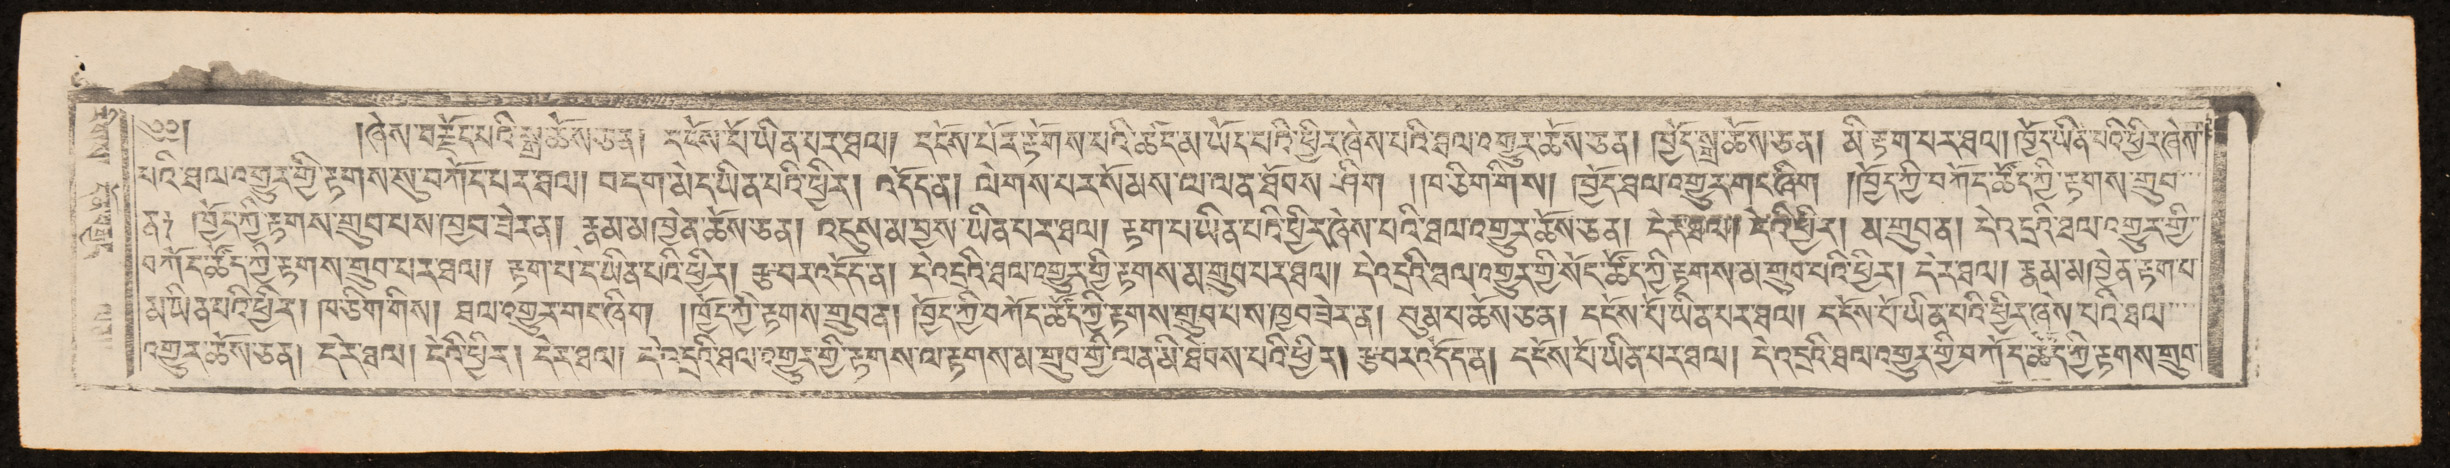༄༅། །ཞེས་བརྗོད་པའི་སྒྲ་ཆོས་ཅན། དངོས་པོ་ཡིན་པར་ཐལ། དངོས་པོར་རྟོགས་པའི་ཚད་མ་ཡོད་པའི་ཕྱིར་ཞེས་པའི་ཐལ་འགྱུར་ཆོས་ཅན། ཁྱོད་སྒྲ་ཆོས་ཅན། མི་རྟག་པར་ཐལ། ཁྱོད་ཡིན་པའི་ཕྱིར་ཞེས་
པའི་ཐལ་འགྱུར་གྱི་རྟགས་སུ་བཀོད་པར་ཐལ། བདག་མེད་ཡིན་པའི་ཕྱིར། འདོད་ན། ལེགས་པར་སོམས་ལ་ལན་ཐོབས་ཤིག །ཁ་ཅིག་གིས། ཁྱོད་ཐལ་འགྱུར་གང་ཞིག །ཁྱོད་ཀྱི་བཀོད་ཚོད་ཀྱི་རྟགས་གྲུབ་
ན། ཁྱོད་ཀྱི་རྟགས་གྲུབ་པས་ཁྱབ་ཟེར་ན། རྣམ་མཁྱེན་ཆོས་ཅན། འདུས་མ་བྱས་ཡིན་པར་ཐལ། རྟག་པ་ཡིན་པའི་ཕྱིར་ཞེས་པའི་ཐལ་འགྱུར་ཆོས་ཅན། དེར་ཐལ། དེའི་ཕྱིར། མ་གྲུབ་ན། དེ་འདྲའི་ཐལ་འགྱུར་གྱི་
བཀོད་ཚོད་ཀྱི་རྟགས་གྲུབ་པར་ཐལ། རྟག་པ་དེ་ཡིན་པའི་ཕྱིར། རྩ་བར་འདོད་ན། དེ་འདྲའི་ཐལ་འགྱུར་གྱི་རྟགས་མ་གྲུབ་པར་ཐལ། དེ་འདྲའི་ཐལ་འགྱུར་གྱི་སོང་ཚོད་ཀྱི་རྟགས་མ་གྲུབ་པའི་ཕྱིར། དེར་ཐལ། རྣམ་མཁྱེན་རྟག་པ་
མ་ཡིན་པའི་ཕྱིར། ཁ་ཅིག་གིས། ཐལ་འགྱུར་གང་ཞིག །ཁྱོད་ཀྱི་རྟགས་གྲུབ་ན། ཁྱོད་ཀྱི་བཀོད་ཚོད་ཀྱི་རྟགས་གྲུབ་པས་ཁྱབ་ཟེར་ན། བུམ་པ་ཆོས་ཅན། དངོས་པོ་ཡིན་པར་ཐལ། དངོས་པོ་ཡིན་པའི་ཕྱིར་ཞེས་པའི་ཐལ་
འགྱུར་ཆོས་ཅན། དེར་ཐལ། དེའི་ཕྱིར། དེར་ཐལ། དེ་འདྲའི་ཐལ་འགྱུར་གྱི་རྟགས་ལ་རྟགས་མ་གྲུབ་ཀྱི་ལན་མི་ཐེབས་པའི་ཕྱིར། རྩ་བར་འདོད་ན། དངོས་པོ་ཡིན་པར་ཐལ། དེ་འདྲའི་ཐལ་འགྱུར་གྱི་བཀོད་ཚོད་ཀྱི་རྟགས་གྲུབ་